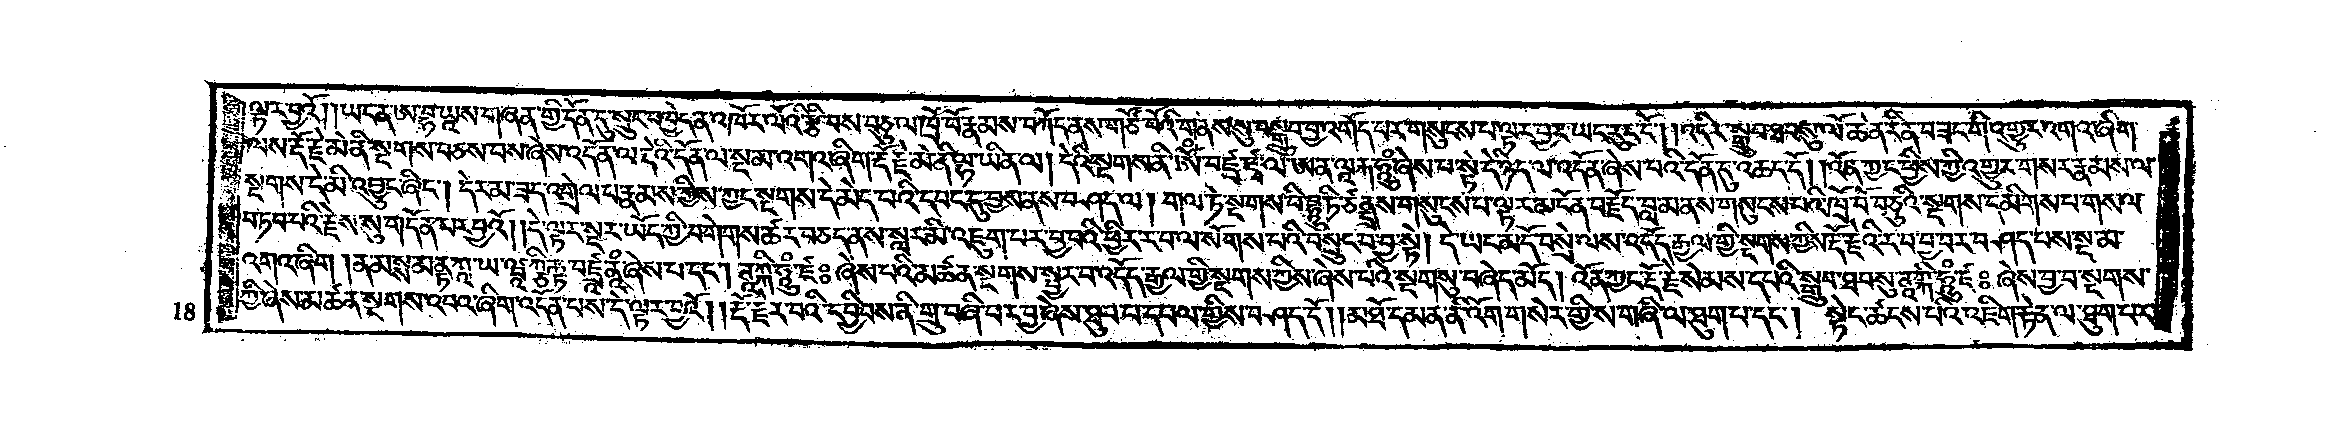ལྟར་བྱའོ། །ཡང་ན་ཨ་བྷ་ཡཱས་གཞན་གྱི་དོན་དུ་སྲུང་བ་བྱེད་ན་འཁོར་ལོའི་རྩིབས་བཅུ་ལ་ཁྲོ་བོ་རྣམས་བཀོད་ནས་གཙོ་བོའི་གནས་སུ་བསྒྲུབ་བྱ་འགོད་པར་གསུངས་པ་ལྟར་བྱར་ཡང་རུང་ངོ། །འདིར་སྒྲུབ་ཐབས་སུ་ལོ་ཆེན་རིན་བཟང་གི་འགྱུར་འགའ་ཞིག་
ལས་རྡོ་རྗེ་མེ་ནི་སྔགས་བཅས་པས་ཞེས་འདོན་ལ་དེའི་དོན་ལ་སྔ་མ་འགའ་ཞིག་རྡོ་རྗེ་མེ་ནི་ལྷ་ཡིན་ལ། དེའི་སྔགས་ནི་ཨོཾ་བཛྲ་ཛྭ་ལ་ཨ་ན་ལཱརྐ་ཧཱུཾ་ཞེས་པ་སྟེ་དེ་ཉིད་ལ་འདོན་ཞེས་པའི་དོན་དུ་འཆད་དོ། །འོན་ཀྱང་ཕྱིས་ཀྱི་འགྱུར་གསར་རྣམས་ལ་
སྔགས་དེ་མི་འབྱུང་ཞིང་། དེར་མ་ཟད་འགྲེལ་པ་རྣམས་ཀྱིས་ཀྱང་སྔགས་དེ་མེད་པའི་དབང་དུ་བྱས་ནས་བཤད་ལ། གལ་ཏེ་སྔགས་བི་བྷཱུ་ཏི་ཙནྡྲས་ནས་གསུངས་པ་ལྟར་མངོན་བརྗོད་བླ་མ་ནས་གསུངས་པའི་ཁྲོ་བོ་བཅུའི་སྔགས་དམིགས་པ་གསལ་
བ་ཏབ་པའི་རྗེས་སུ་གདོན་པར་བྱའོ། །དེ་ལྟར་སྔར་ཡོད་ཀྱི་བགེགས་ཚར་བཅད་ནས་སླར་མི་འཇུག་པར་བྱ་བའི་ཕྱིར་ར་བ་ལ་སོགས་པའི་བསྲུང་བ་བྱ་སྟེ། དེ་ཡང་མདོ་བསྲེ་ལས་འདོད་རྒྱལ་གྱི་སྔགས་ཀྱིས་རྡོ་རྗེའི་ར་བ་བྱ་བར་བཤད་པས་སྔ་མ་
འགའ་ཞིག །ན་མ་སྶ་མཎྟ་ཀཱ་ཡ་ཝཱ་ཀྩི་ཏྟ་བཛྲཱ་ནའཾ་ཞེས་པ་དང་། ཊཱིཀྐ་ཧཱུཾ་ཛཿ ཞེས་པའི་མཚན་སྔགས་སྦྱར་བ་འདོད་རྒྱལ་གྱི་སྔགས་ཀྱིས་ཞེས་པའི་སྔགས་སུ་བཞེད་མོད། འོན་ཀྱང་རྡོ་རྗེ་སེམས་དཔའི་སྒྲུབ་ཐབས་སུ་ཊཱ་ཀྐི་ཧཱུཾ་ཛཿ ཞེས་བྱ་བ་སྔགས་
ཀྱི་ཞེས་མཚན་སྔགས་འབའ་ཞིག་འདོན་པས་དེ་ལྟར་བྱའོ། །རྡོ་རྗེར་བའི་དབྱིབས་ནི་གྲུ་བཞི་པར་བྱ་ཞེས་ཐུབ་པ་དཔལ་གྱིས་བཤད་དོ། །མཐོ་དམན་ནི་འོག་གསེར་གྱི་ས་གཞི་ལ་ཐུག་པ་དང་། སྟེང་ཚངས་པའི་འཇིག་རྟེན་ལ་ཐུག་པར་